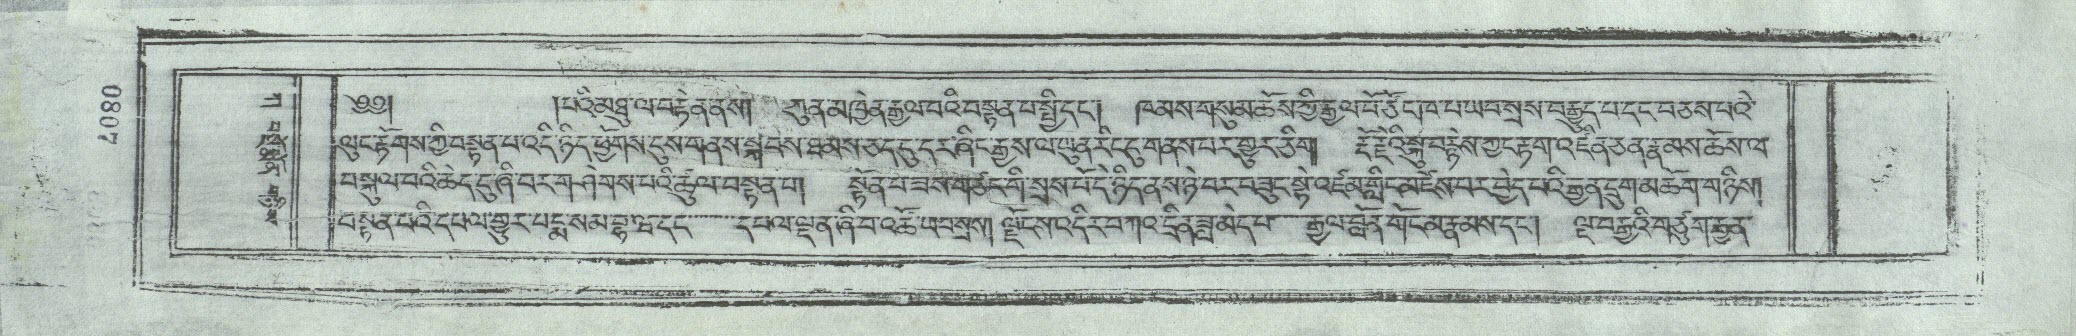༄༅། །པའི་མཐུ་ལ་བརྟེན་ནས། ཀུན་མཁྱེན་རྒྱལ་བའི་བསྟན་པ་སྤྱི་དང་། ཁམས་གསུམ་ཆོས་ཀྱི་རྒྱལ་པོ་ཙོང་ཁ་པ་ཡབ་སྲས་བརྒྱུད་པ་དང་བཅས་པའི་
ལུང་རྟོགས་ཀྱི་བསྟན་པ་འདི་ཉིད་ཕྱོགས་དུས་གནས་སྐབས་ཐམས་ཅད་དུ་དར་ཞིང་རྒྱས་ལ་ཡུན་རིང་དུ་གནས་པར་གྱུར་ཅིག །རྡོ་རྗེའི་སྐུ་བརྙེས་ཀྱང་རྟག་འཛིན་ཅན་རྣམས་ཆོས་ལ་
བསྐུལ་པའི་ཆེད་དུ་ཞི་བར་གཤེགས་པའི་ཚུལ་བསྟན་པ། སྟོན་པ་ཟས་གཙང་གི་སྲས་པོ་དེ་ཉིད་ནས་ཉེ་བར་བཟུང་སྟེ་འཛམ་གླིང་མཛེས་པར་བྱེད་པའི་རྒྱན་དྲུག་མཆོག་གཉིས།
བསྟན་པའི་དཔལ་གྱུར་པདམ་སམ་བྷ་ཝ་དང་དཔལ་ལྡན་ཞིབ་འཚོལ་བསྲས། ལྗོངས་འདིར་བཀའ་དྲིན་ཟླ་མེད་པ་རྒྱལ་བློན་གོང་རྣམས་དང་། ལྔ་བརྒྱའི་གཙུག་རྒྱན་